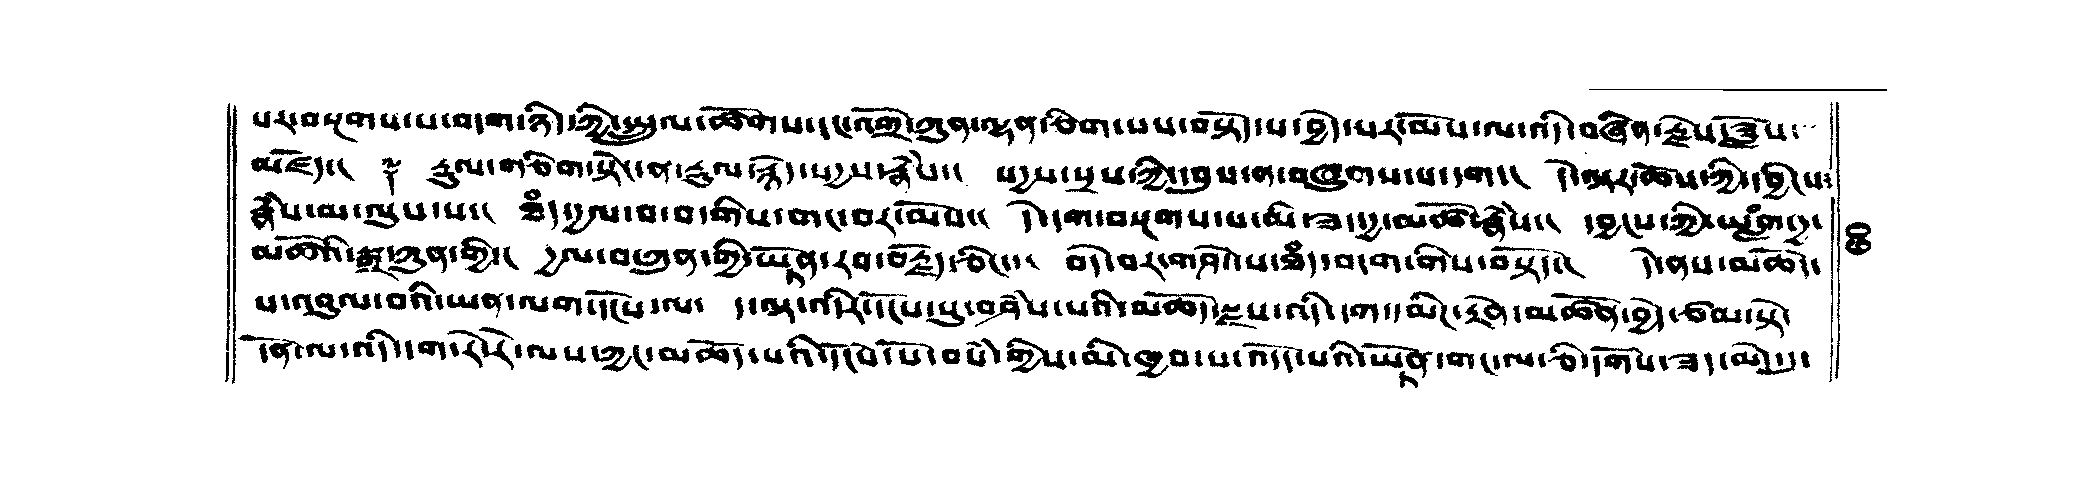པར་བསྔགས་པ་བདག་ཉིད་ཀྱི་སྤྲུལ་ཚོགས་དང་འགྲོ་ཀུན་ལྷན་ཅིག་པས་བསྟོད་པ་བྱེད་པར་མོས་ལ་འདི་བཞིན་རྗེས་ཟློས་
མཛོད། ༈ རྡུལ་གཅིག་སྟེང་ན་རྡུལ་རྙེད་སངས་རྒྱས་རྣམས། སངས་རྒྱས་སྲས་ཀྱི་དབུས་ན་བཞུགས་པ་དག དེ་ལྟར་ཆོས་ཀྱི་དབྱིངས་
རྣམས་མ་ལུས་པ། ཐམས་ཅད་རྒྱལ་བ་བདག་གིས་གང་བར་མོས།དེ་དག་བསྔགས་པ་མི་ཟད་རྒྱ་མཚོ་རྣམས། དབྱངས་ཀྱི་ཡན་ལག་རྒྱ་
མཚོའི་སྒྲ་ཀུན་གྱི། རྒྱལ་བ་ཀུན་གྱི་ཡོན་ཏན་རབ་བརྗོད་ཅིང་། བདེ་བར་གཤེགས་པ་ཐམས་ཅད་བདག་གིས་བསྟོད། དེ་ནས་མཆོད་
པ་འབུལ་བའི་ཡན་ལག་དངོས་ལ། ད་ལྟ་འདིར་ངོས་སུ་བཤམས་པའི་མཆོད་རྫས་འདི་དག་དམིགས་རྟེན་མཚོན་བྱེད་ཙམ་སྟེ། 
དོན་ལ་འདི་དག་རེ་རོ་ལས་ཀྱང་མཆོད་པའི་དངོས་པོ་བསམ་གྱིས་མི་ཁྱབ་པ་འདོད་པའི་ཡོན་ཏན་གང་ལ་ཅི་དགོས་ཟད་མེད་དུ་